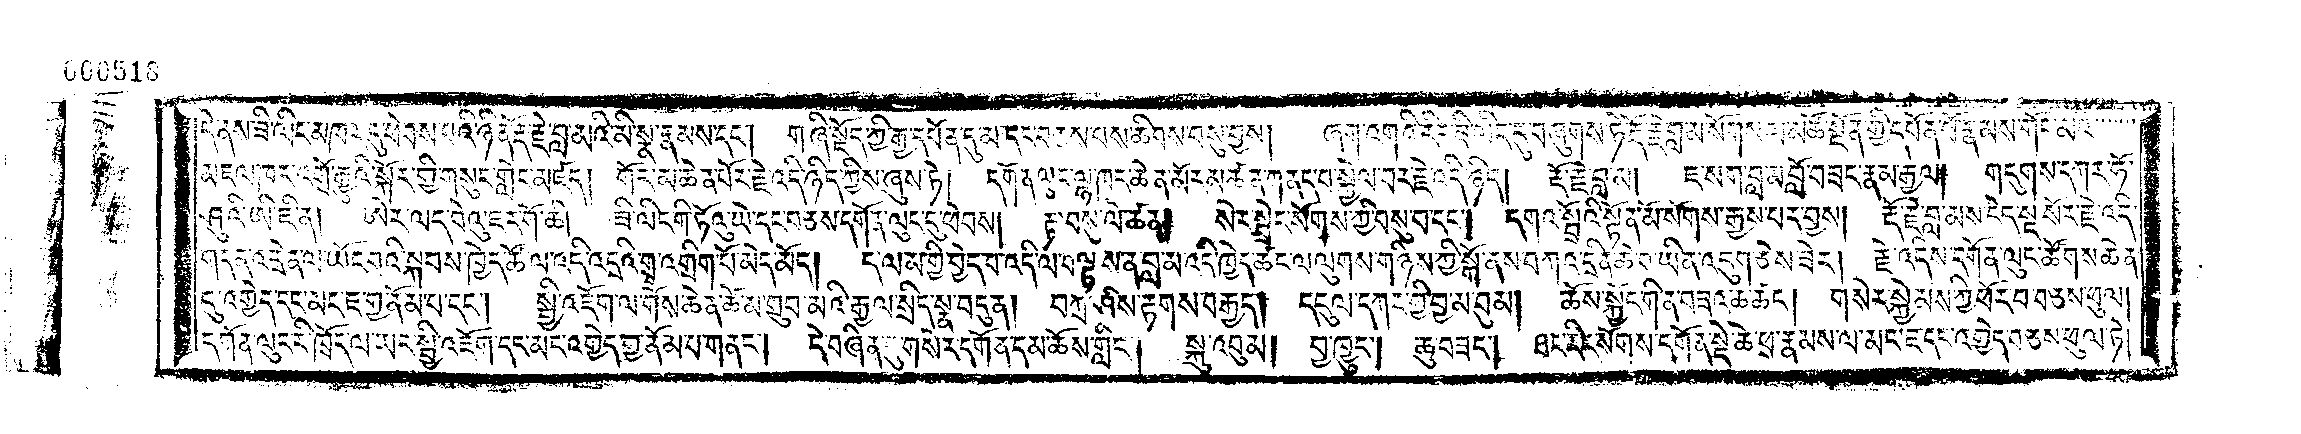དེ་ནས་ཟི་ལིང་མཁར་དུ་ཕེབས་པའི་ཉིན་རྡོ་རྗེ་བླ་མའི་མི་སྣ་རྣམས་དང་། གཞི་སྔོད་ཀྱི་རྒྱ་དཔོན་དུ་མ་དང་བཅས་པས་ཆིབས་བསུ་བྱས། ཞག་འགའི་རིང་ཟི་ལིད་དུ་བཞུགས་ཏེ་རྡོ་རྗེ་བླ་མ་སོགས་ལ་མཚོ་སྔོན་གྱི་དཔོན་པོ་རྣམས་གོང་མའི་
མཇལ་ཁར་འགྲོ་རྒྱུའི་སྐོར་གྱི་གསུང་གླེང་མཛད། གོང་མ་ཆེན་པོར་རྗེ་འདི་ཉིད་ཀྱིས་ཞུས་ཏེ། དགོན་ལུང་ལྷ་ཁང་ཆེན་མོར་མཚན་གནད་པ་སྐྱེལ་བར་རྗེ་འདི་ཉིད། རྡོ་རྗེ་བླ་མ། ཇ་སག་བླ་མ་བློ་བཟང་རྣམ་རྒྱལ། གདུགས་དཀར་ཧོ་
ཤུའི་ཨི་ཇིན། ཨེར་ལད་བེའུ་ཇར་གོ་ཆི། ཟི་ལིང་གི་ཏོའུ་ཡེ་དང་བཅས་དགོན་ལུང་དུ་ཕེབས། རྟ་བསུ་ལེ་ཚན། སེར་སྦྲེང་སོགས་ཀྱི་བསུ་བ་དང་། དགའ་སྤྲོའི་སྟོན་མོ་སོགས་རྒྱས་པར་བྱས། རྡོ་རྗེ་བླ་མས་ངེད་སྔ་སོར་རྗེ་འདི་
གདན་འདྲེན་ལ་ཡོང་པའི་སྐབས་ཁྱེད་ཚོལ་འདི་འདྲའི་གྲྭ་འགྲིག་པོ་མེད་མོད། ད་ལམ་གྱི་བྱེད་པ་འདི་ལ་བལྟས་ན་བླ་མ་འདི་ཁྱེད་ཚང་ལ་ལུགས་གཉིས་ཀྱི་སྒོ་ནས་བཀའ་དྲིན་ཆེ་བ་ཡིན་འདུག་ཅེས་ཟེར། རྗེ་འདིས་དགོན་ལུང་ཚོགས་ཆེན་
དུ་འགྱེད་དང་མང་ཇ་གྱ་ནོམ་པ་དང་། སྤྱི་འཇོག་ལ་གོས་ཆེན་ཚེམ་གྲུབ་མའི་རྒྱལ་སྲིད་སྣ་བདུན། བཀྲ་ཤིས་རྟགས་བརྒྱད། དངུལ་དཀར་གྱི་བྱ་མ་བུམ། ཆོས་སྐྱོང་གི་ན་བཟའ་ཆ་ཚང་། གསེར་སྐྱེམས་ཀྱི་ཕོར་པ་བཅས་ཕུལ།
དགོན་ལུང་རི་ཁྲོད་ལ་ཡང་སྤྱི་འཇོག་དང་མང་འགྱེད་གྱ་ནོམ་པ་གནང་། དེ་བཞིན་དུ་གསེར་དགོན་དམ་ཆོས་གླིང་། སྐུ་འབུམ། བྱ་ཁྱུང་། ཆུ་བཟང་། ཐང་རིང་སོགས་དགོན་སྡེ་ཆེ་ཕྲ་རྣམས་ལ་མང་ཇ་དང་འགྱེད་བཅས་ཕུལ་ཏེ།